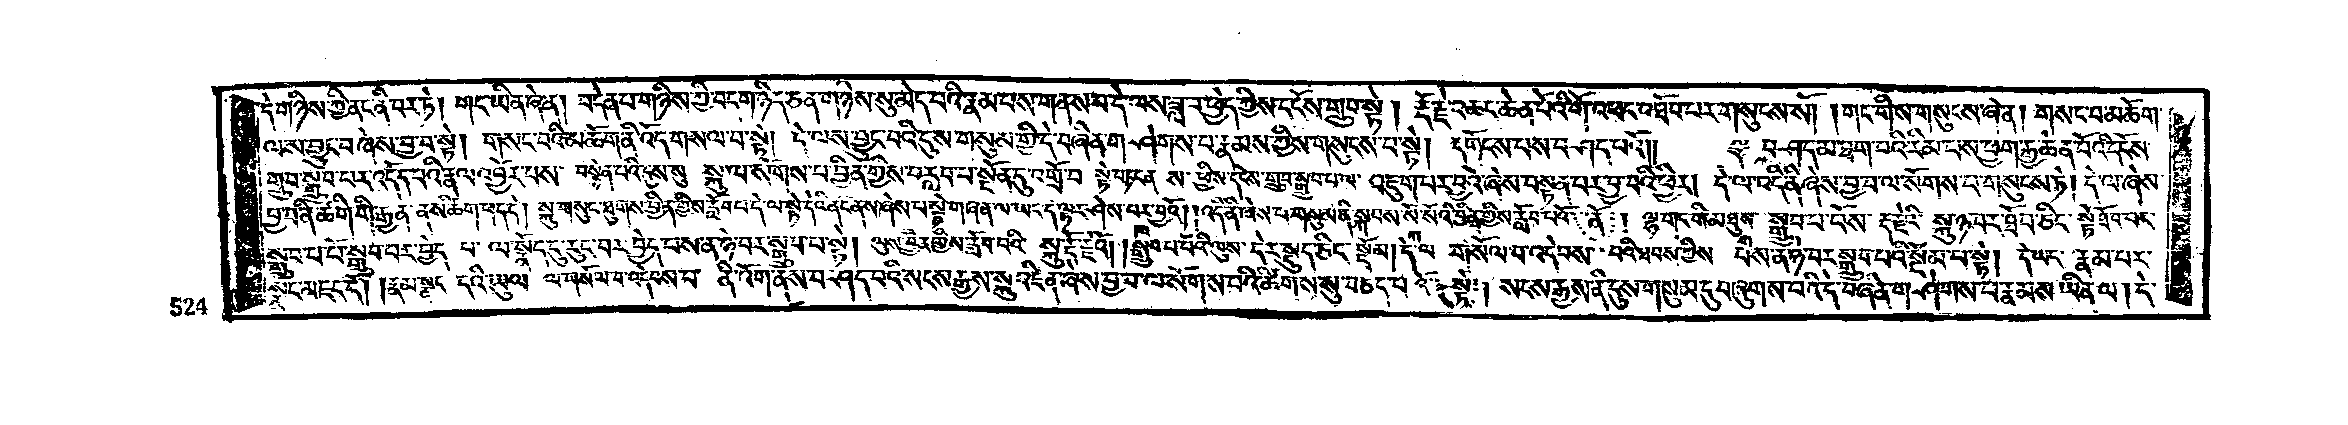དེ་གཉིས་ཀྱི་ནང་ནི་བར་ཏེ། གང་ཡིན་ཞེ་ན། བདེན་པ་གཉིས་ཀྱི་བདག་ཉིད་ཅན་གཉིས་སུ་མེད་པའི་རྣམ་པས་གནས་པ་དེ་ལས་ཟླ་བ་ཕྱེད་ཀྱིས་དངོས་གྲུབ་སྟེ། རྡོ་རྗེ་འཆང་ཆེན་པོའི་གོ་འཕང་འཐོབ་པར་གསུངས་སོ། །གང་གིས་གསུངས་ཞེ་ན། གསང་བ་མཆོག་
ལས་བྱུང་བ་ཞེས་བྱ་བ་སྟེ། གསང་བའི་མཆོག་ནི་འོད་གསལ་བ་སྟེ། དེ་ལས་བྱུང་བའི་དུས་གསུམ་གྱི་དེ་བཞིན་གཤེགས་པ་རྣམས་ཀྱིས་གསུངས་པ་སྟེ། དགོངས་པས་བཤད་པའོ།། ༈ བཤད་མ་ཐག་པའི་རིམ་པས་ཕྱག་རྒྱ་ཆེན་པོའི་དངོས་
གྲུབ་སྒྲུབ་པར་འདོད་པའི་རྣལ་འབྱོར་པས་བསྙེན་པའི་དུས་སུ་སྐུ་ལ་སོགས་པ་བྱིན་གྱིས་བརླབ་པ་སྔོན་དུ་འགྲོ་བ་སྟེ་བཏང་ནས་ཕྱིས་དངོས་གྲུབ་སྒྲུབ་པ་ལ་འཇུག་པར་བྱའོ་ཞེས་བསྟན་པར་བྱ་བའི་ཕྱིར། དེ་ལ་འདི་ནི་ཞེས་བྱ་བ་ལ་སོགས་པ་གསུངས་ཏེ། དེ་ལ་ཞེས་
བྱ་བ་ནི་ཚིག་གི་རྒྱན་ནམ་ཚིག་ཕྲད་དེ། སྐུ་གསུང་ཐུགས་བྱིན་གྱིས་རློབ་པ་དེ་ལ་སྟེ་དེའི་ནང་ནས་ཞེས་པ་སྟེ་གཞན་ལ་ཡང་དེ་ལྟར་ཤེས་པར་བྱའོ། །འདི་ནི་ཞེས་པ་གསུམ་ནི་སྐབས་སོ་སོའི་བྱིན་གྱིས་རློབ་པའོ་ནི།  ལྷ་གང་གི་མཐུས་སྒྲུབ་པ་པོས་རྡོ་རྗེའི་སྐུ་ཉེ་བར་ཐོབ་ཅིང་སྟེ་ཐོབ་པར་
སྒྲུབ་པ་པོ་སྒྲུབ་པར་བྱེད་པ་ལ་སྣོད་དུ་རུང་བར་བྱེད་པས་ན་ཉེ་བར་སྒྲུབ་པ་སྟེ། ལུས་བྱིན་གྱིས་རློབ་པའི་སྐུ་རྡོ་རྗེའོ། ། ཁ་སྒྲུབ་པ་པོའི་ལུས་དེར་སྡུད་ཅིང་སྡོམ། དེ་ཀ་ལ་གསོལ་བ་འདེབས་པའི་ཐབས་ཀྱིས་པས་ག་ན་ཉེ་བར་སྒྲུབ་པའི་སྡོམ་པ་སྟེ། དེ་ཡང་རྣམ་པར་
སྣང་མཛད་དོ། །རྣམ་སྣང་དེའི་ཡུལ་ལ་གསོལ་བ་འདེབས་པ་ནི་འོག་ནས་བར་ཤད་པའི་སངས་རྒྱས་སྐུ་འཛིན་ཞེས་བྱ་བ་ལ་སོགས་པའི་ཚིགས་སུ་བཅད་པའོ་སྟེ། སངས་རྒྱས་ནི་དུས་གསུམ་དུ་བཞུགས་པའི་དེ་བཞིན་གཤེགས་པ་རྣམས་ཡིན་ལ། དེ་